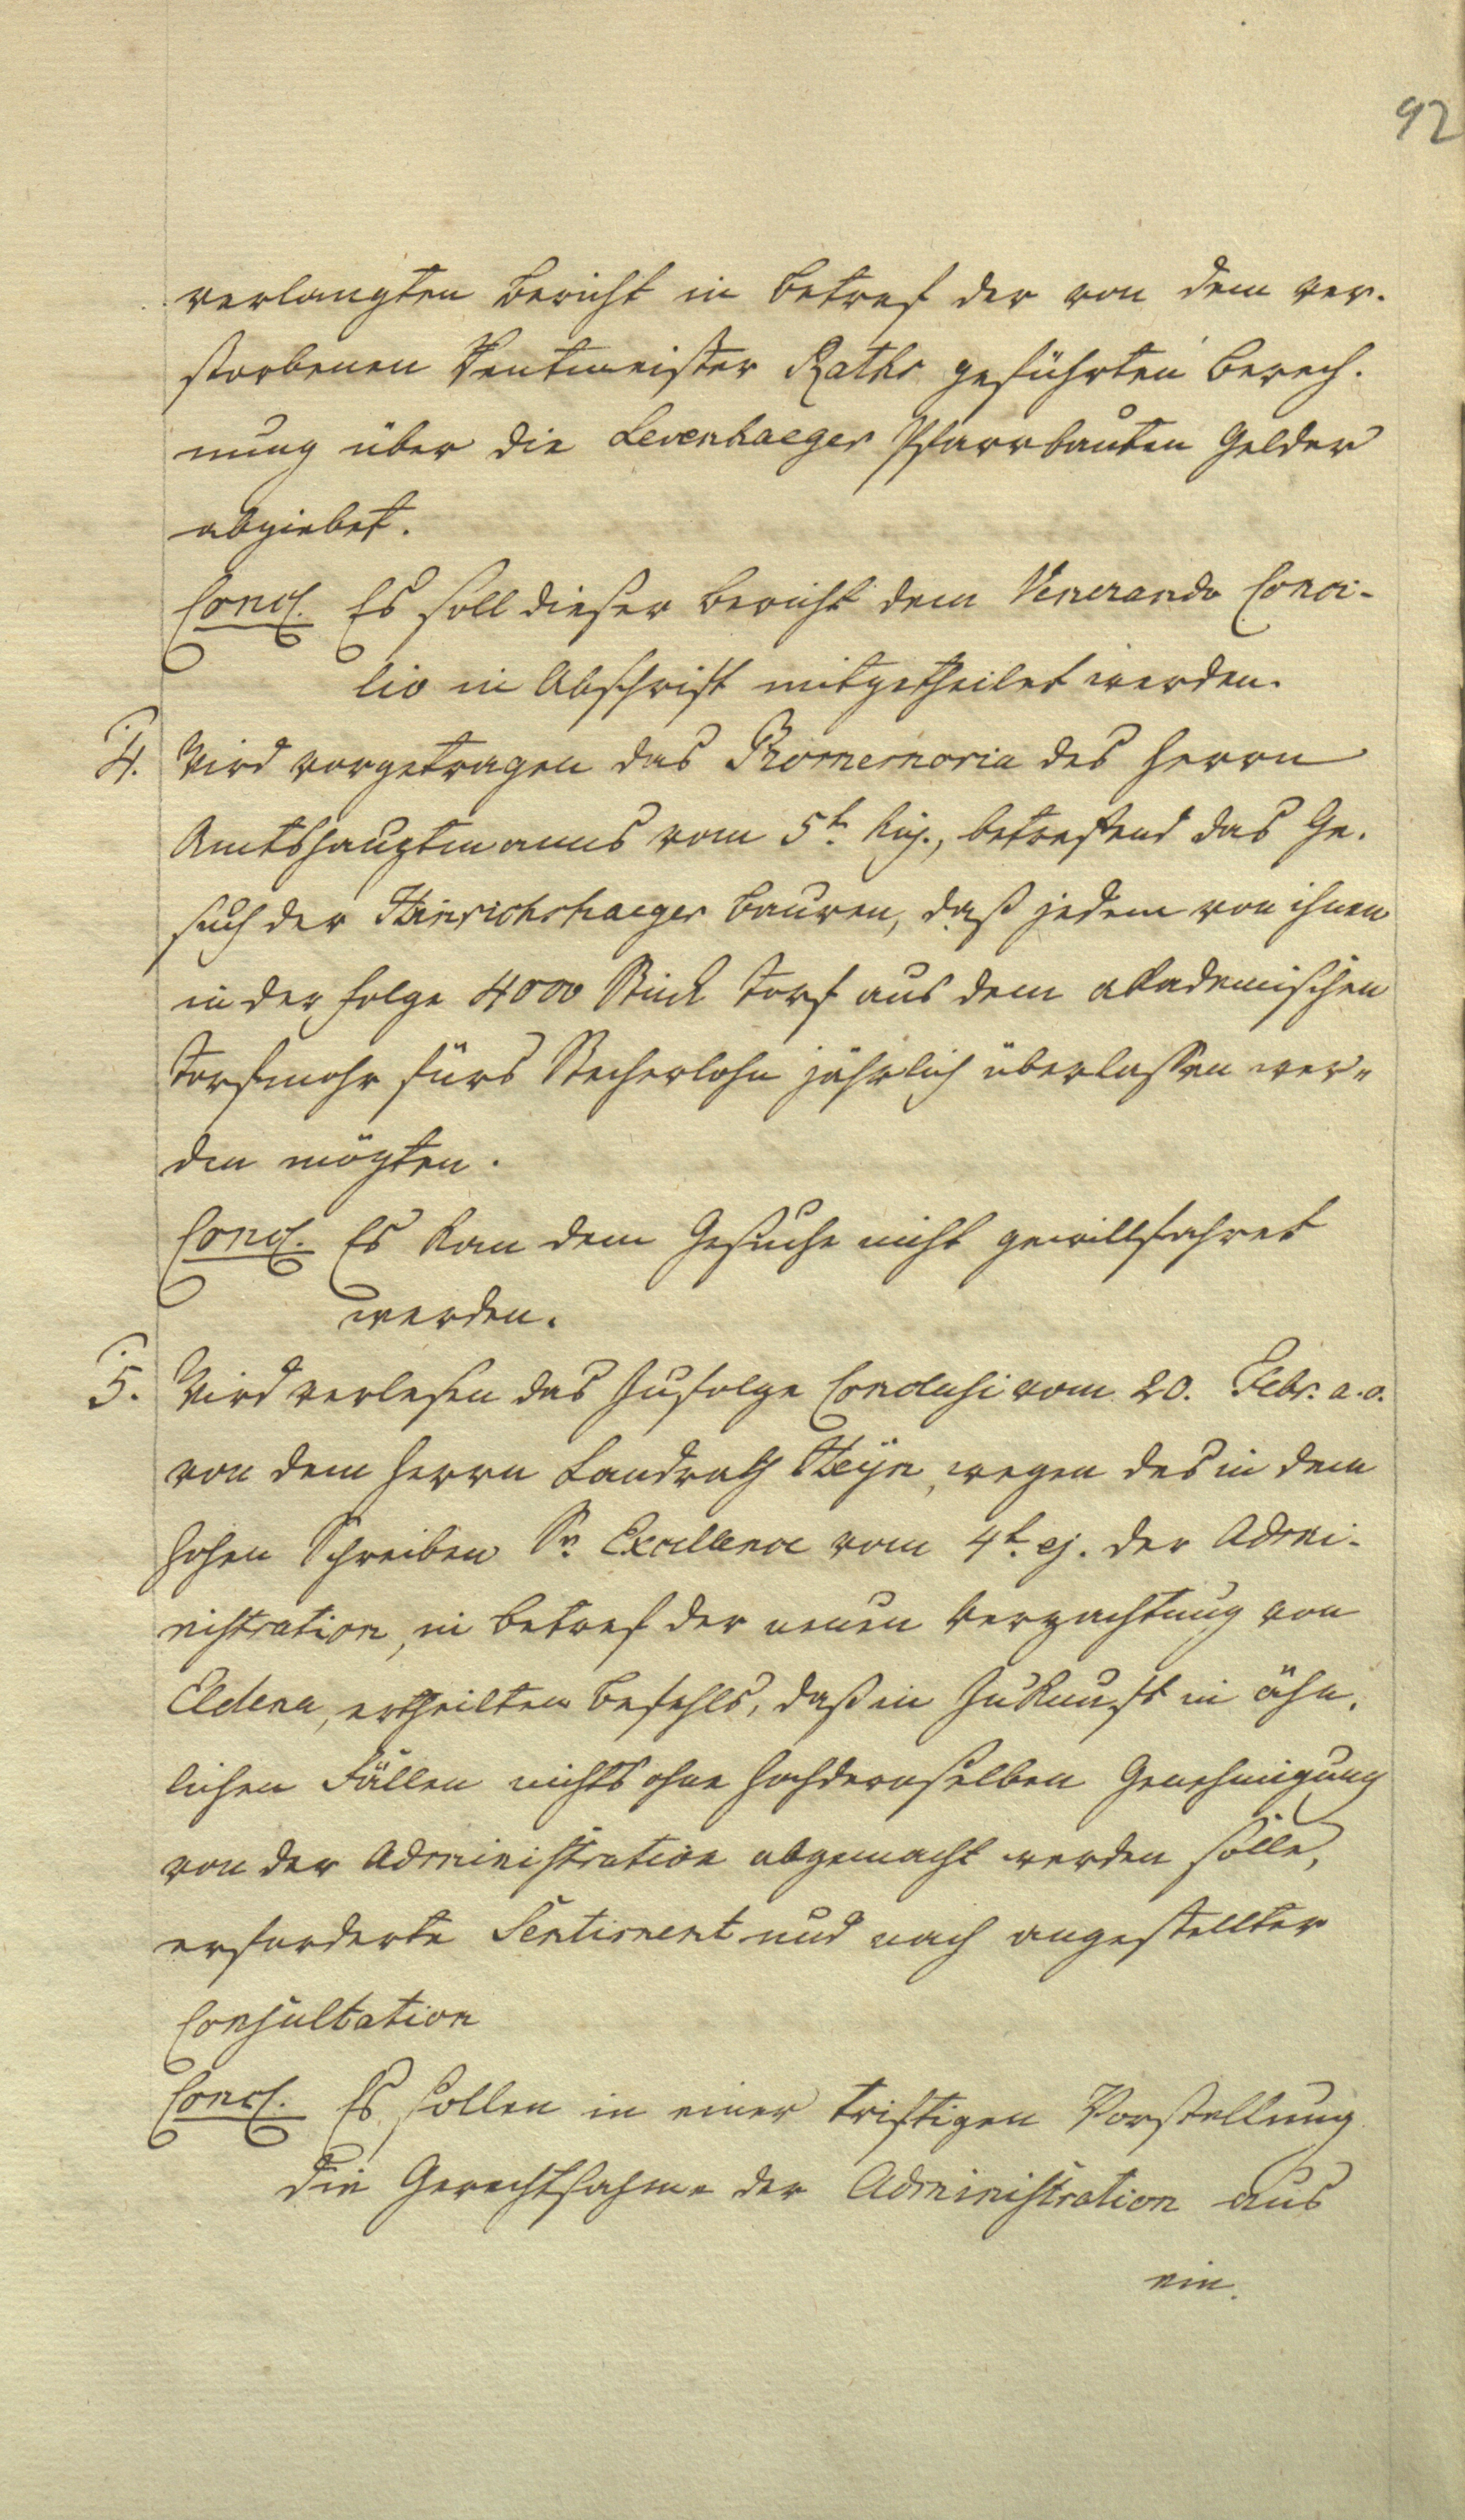verlangten Bericht in Betref der von dem ver¬
storbenen Rentmeister Raths geführten Berech¬
nung über die Levenhaeger Pfarrbauten Gelder
abgiebet.
Concl. Es soll dieser Bericht dem Venerando Conci¬
lio in Abschrift mitgetheilet werden.
4. Wird vorgetragen das Promemoria des Herrn
Amtshauptmanns vom 5 t. huj. betreffend das Ge¬
such der Hinrichshaeger Bauren, daß jedem von ihnen
in der Folge 4000 Stück Torf aus dem akademischen
Torfmohr fürs Stecherlohn jährlich überlassen wer¬
den mögten.
Concl. Es kan dem Gesuche nicht gewillfahret
werden.
5. Wird verlesen das zufolge Conclusi vom 20. Febr. a. c.
von dem Herrn Landrath Heÿn wegen des in dem
hohen Schreiben Sr Excellence vom 4 t ej. der Admi¬
nistration, in Betref der neuen Verpachtung von
Eldena, ertheilten Befehls, daß in Zukunft in ähn¬
lichen Fällen nichts ohne Hochderoselben Genehmigung
von der Administration abgemacht werden solle,
erforderte Sentiment und nach angestellter
Consultation
Concl. Es sollen in einer triftigen Vorstellung
die Gerechtsahme der Administration aus
ein